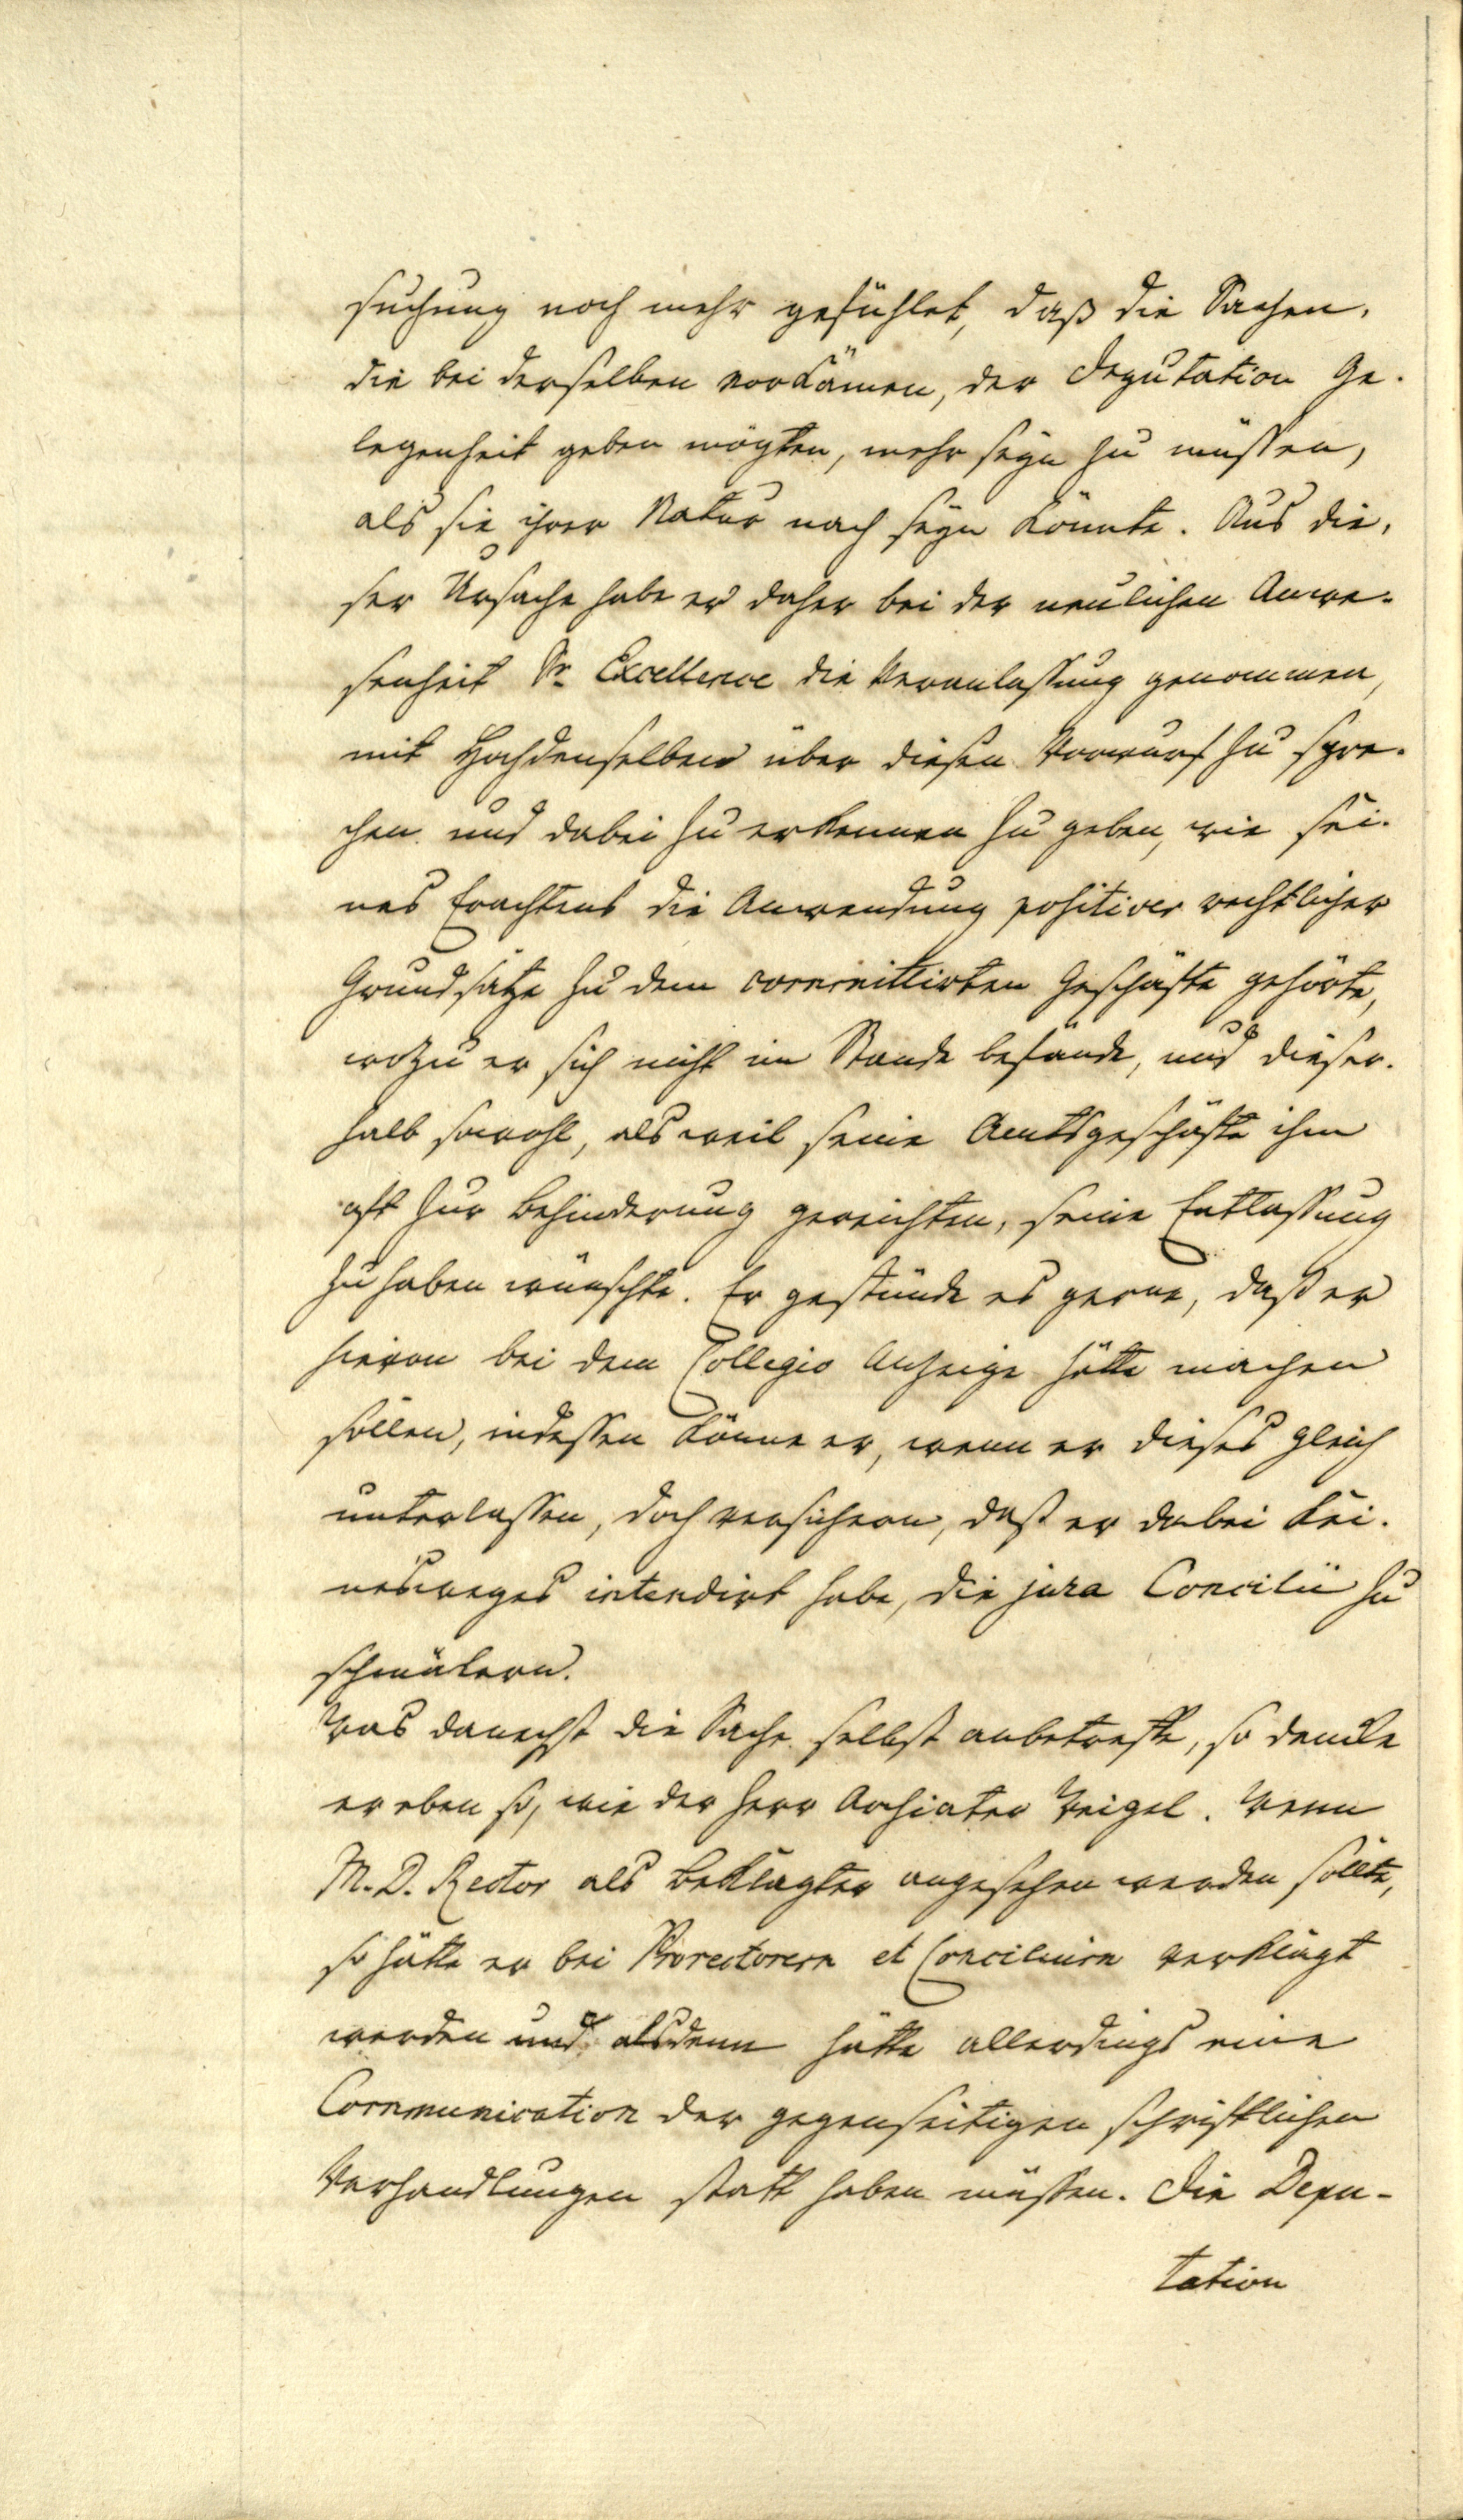suchung noch mehr gefühlet daß die Sachen,
die bei derselben vorkämen, der Deputation Ge¬
legenheit geben mögten, mehr seÿn zu müssen,
als sie, ihrer Natar nach seÿn könnte. Aus die¬
ser Ursache habe er daher bei der neulichen Anwe¬
senheit Sr Excellence die Veranlassung genommen,
mit Hochdenselben über diesen Vorwurf zu spre¬
chen und dabei zu erkennen zu geben, wie sei¬
nes Erachtens die Anwendung positiver rechtlicher
Grundsätze zu dem commitirten Geschäfte gehörte,
wohzu er sich nicht im Stande befände, und dieser¬
halb sowohl, als weil seine Amtsgeschäfte ihm
oft zur Behinderung gereichten, seine Entlassung
zu haben wünschte. Er gestünde es gerne, daß er
hievon bei dem Collegio Anzeige hätte machen
sollen, indessen könne er, wenn er dieses gleich
unterlassen, doch versichern, daß er dabei kei¬
nesweges intendirt habe, die jura Concilii zu
schmälern.
Was danechst die Sache selbst anbetreffe, so dencke
er eben so, wie der Herr Archiater Weigel. Wenn
M. D. Rector als Beklagter angesehen werden sollte,
so hätte er bei Prorectorem et Concilium verklagt
werden und alsdenn hätte allerdings eine
Communication der gegenseitigen schriftlichen
Verhandlungen statt haben müssen. Die Depu¬
tation